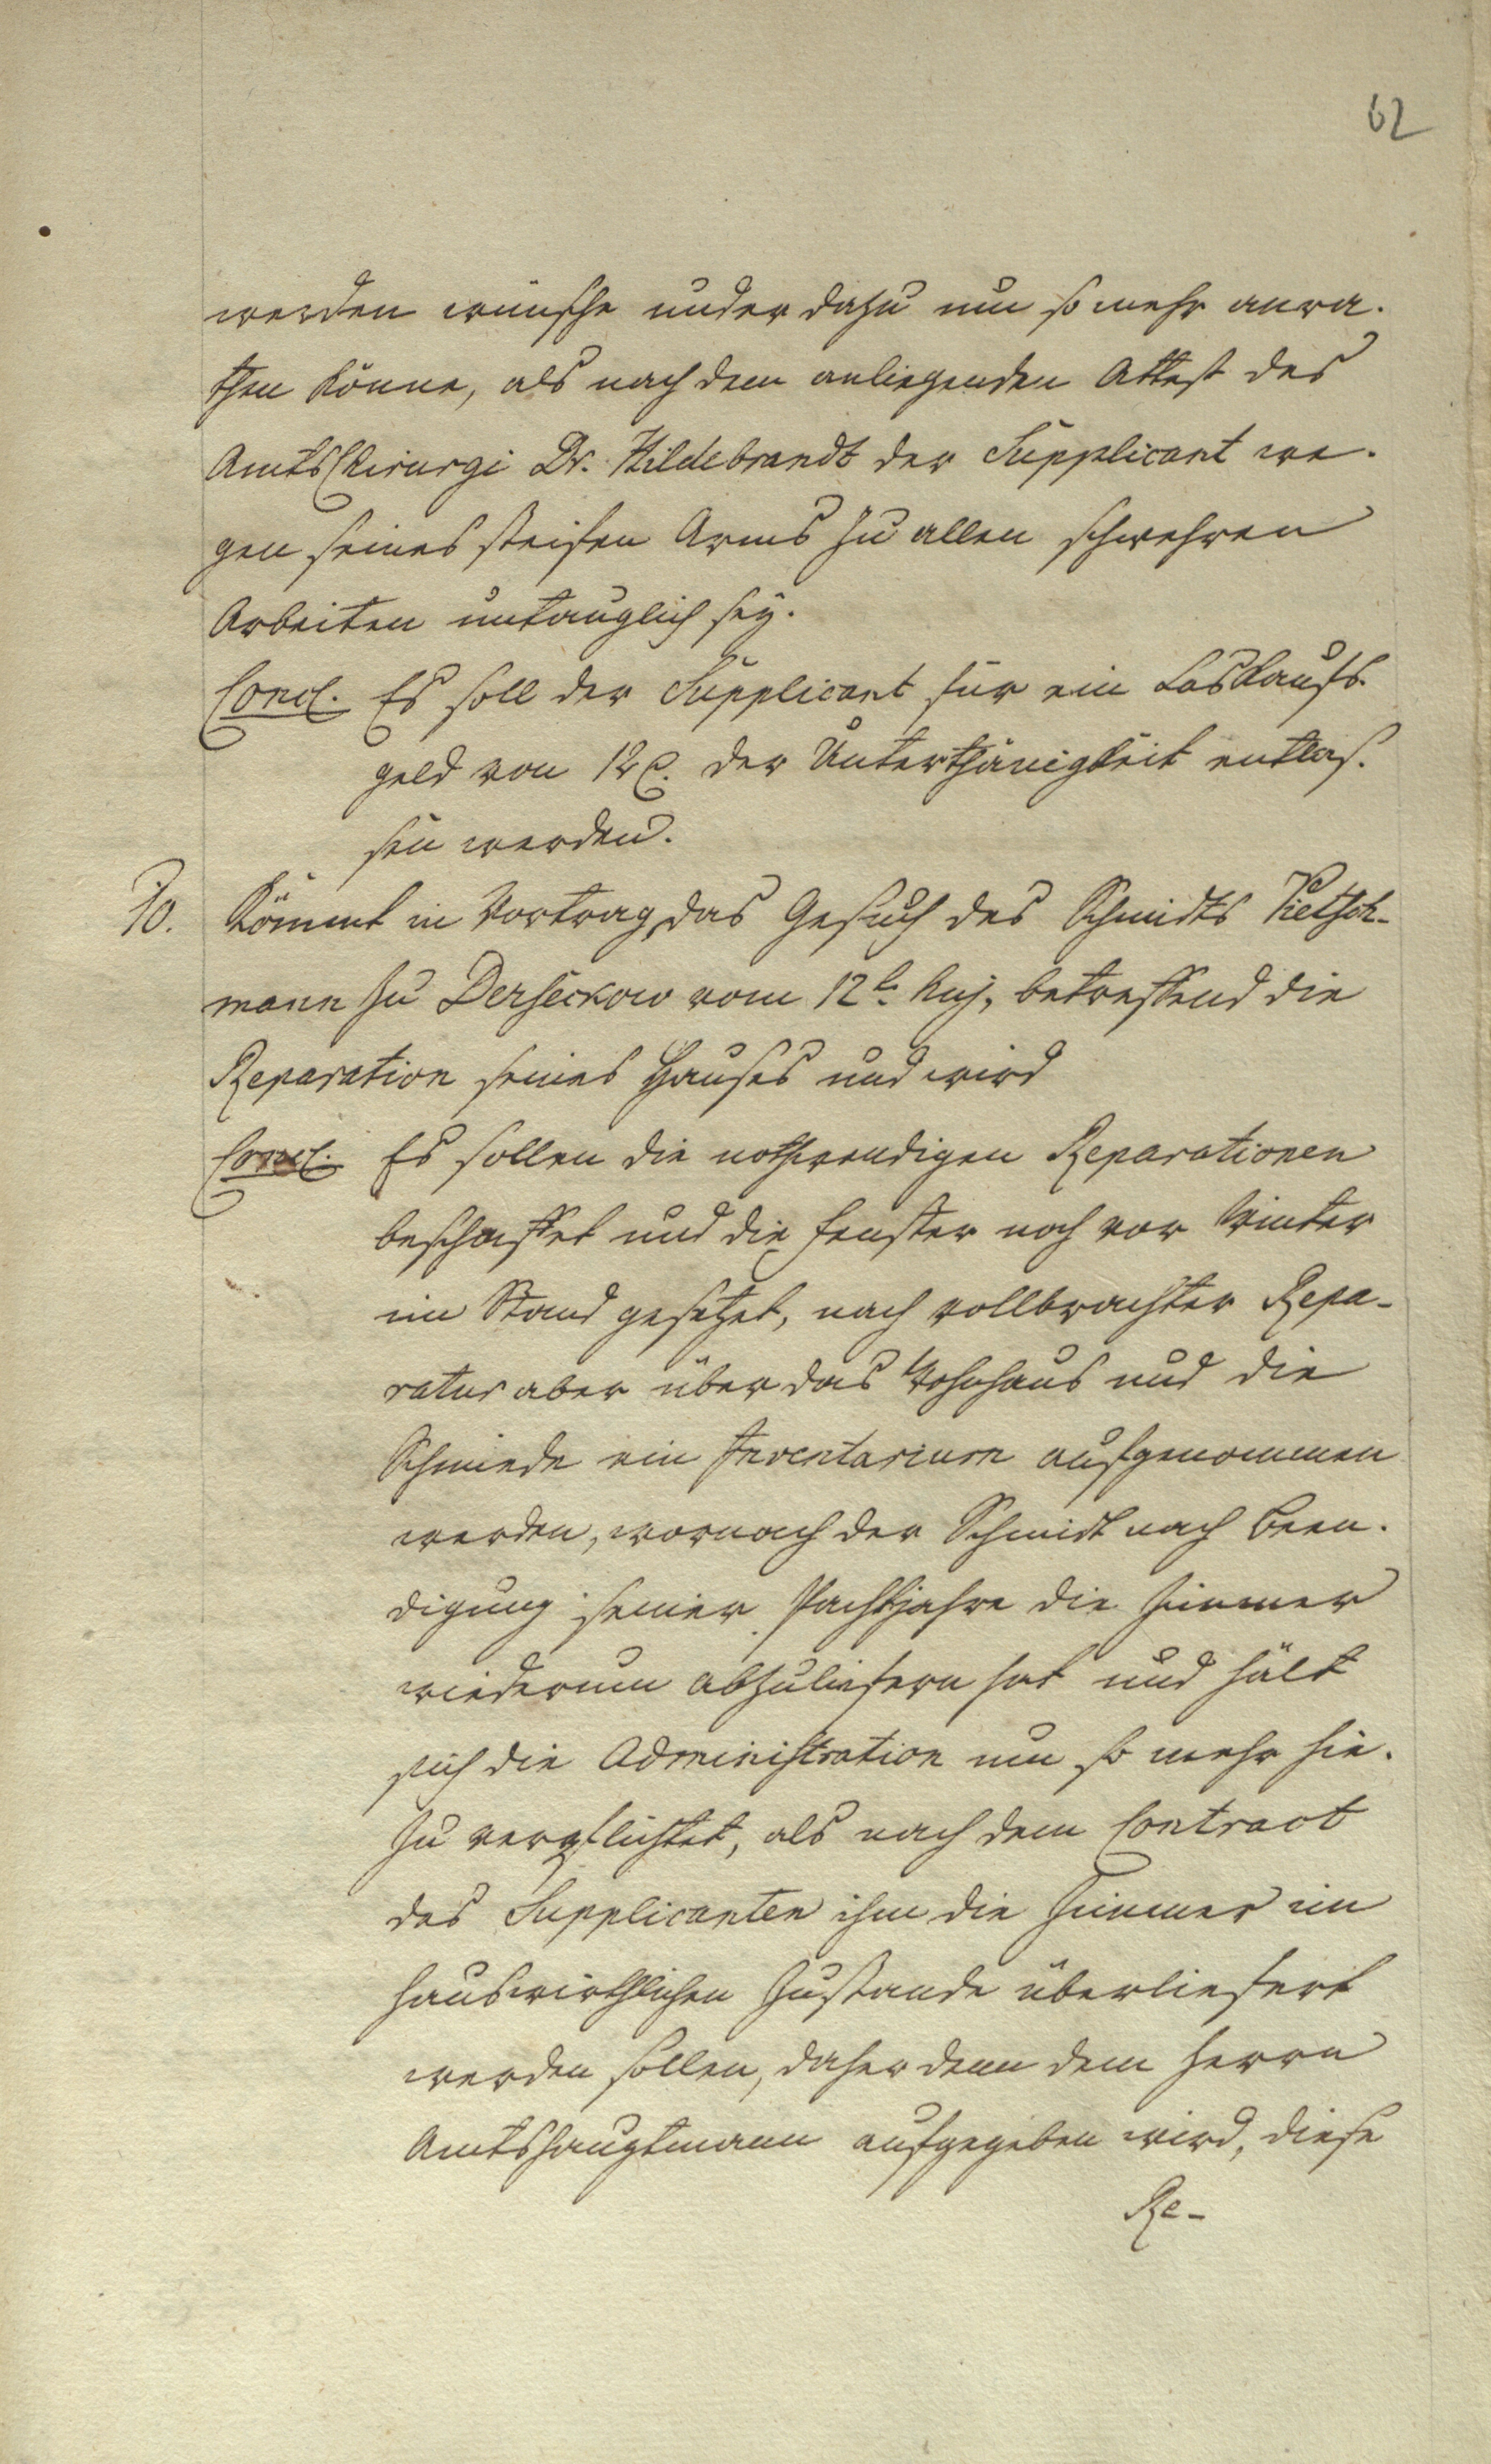werden wünsche und er dazu um so mehr anra¬
ten könne, als nach dem anliegenden Atteste des
AmtsChirurgi Dn. Hildebrandt der Supplicant we¬
gen seines steifen Arms zu allen schwehren
Arbeiten untauglich seÿ.
Concl Es soll der Supplicant für ein Loskaufs¬
geld von 12 l. der Unterthänigkeit entlas¬
sen werden.
10. Kömmt in Vortrag, das Gesuch des Schmidts Pietsch¬
mann zu Derseckow vom 12 t. huj. betreffend die
Reparation seines Hauses und wird
Concl Es sollen die nothwendigen Reparationen
beschaffet und die Fenster noch vor Winter
im Stand gesetzet, nach vollbrachter Repa¬
ratur aber über das Wohnhaus und die
Schmiede ein Inventarium aufgenommen
werden, wornach der Schmidt nach Been¬
digung seiner Pachtjahre die Zimmer
wiederum abzuliefern hat und hält
sich die Administration um so mehr hie¬
zu verpflichtet, als nach dem Contract
des Supplicanten ihm die Zimmer im
hauswirthlichen Zustande überliefert
werden sollen, daher denn dem Herrn
Amtshauptmann aufgegeben wird, diese
Re¬